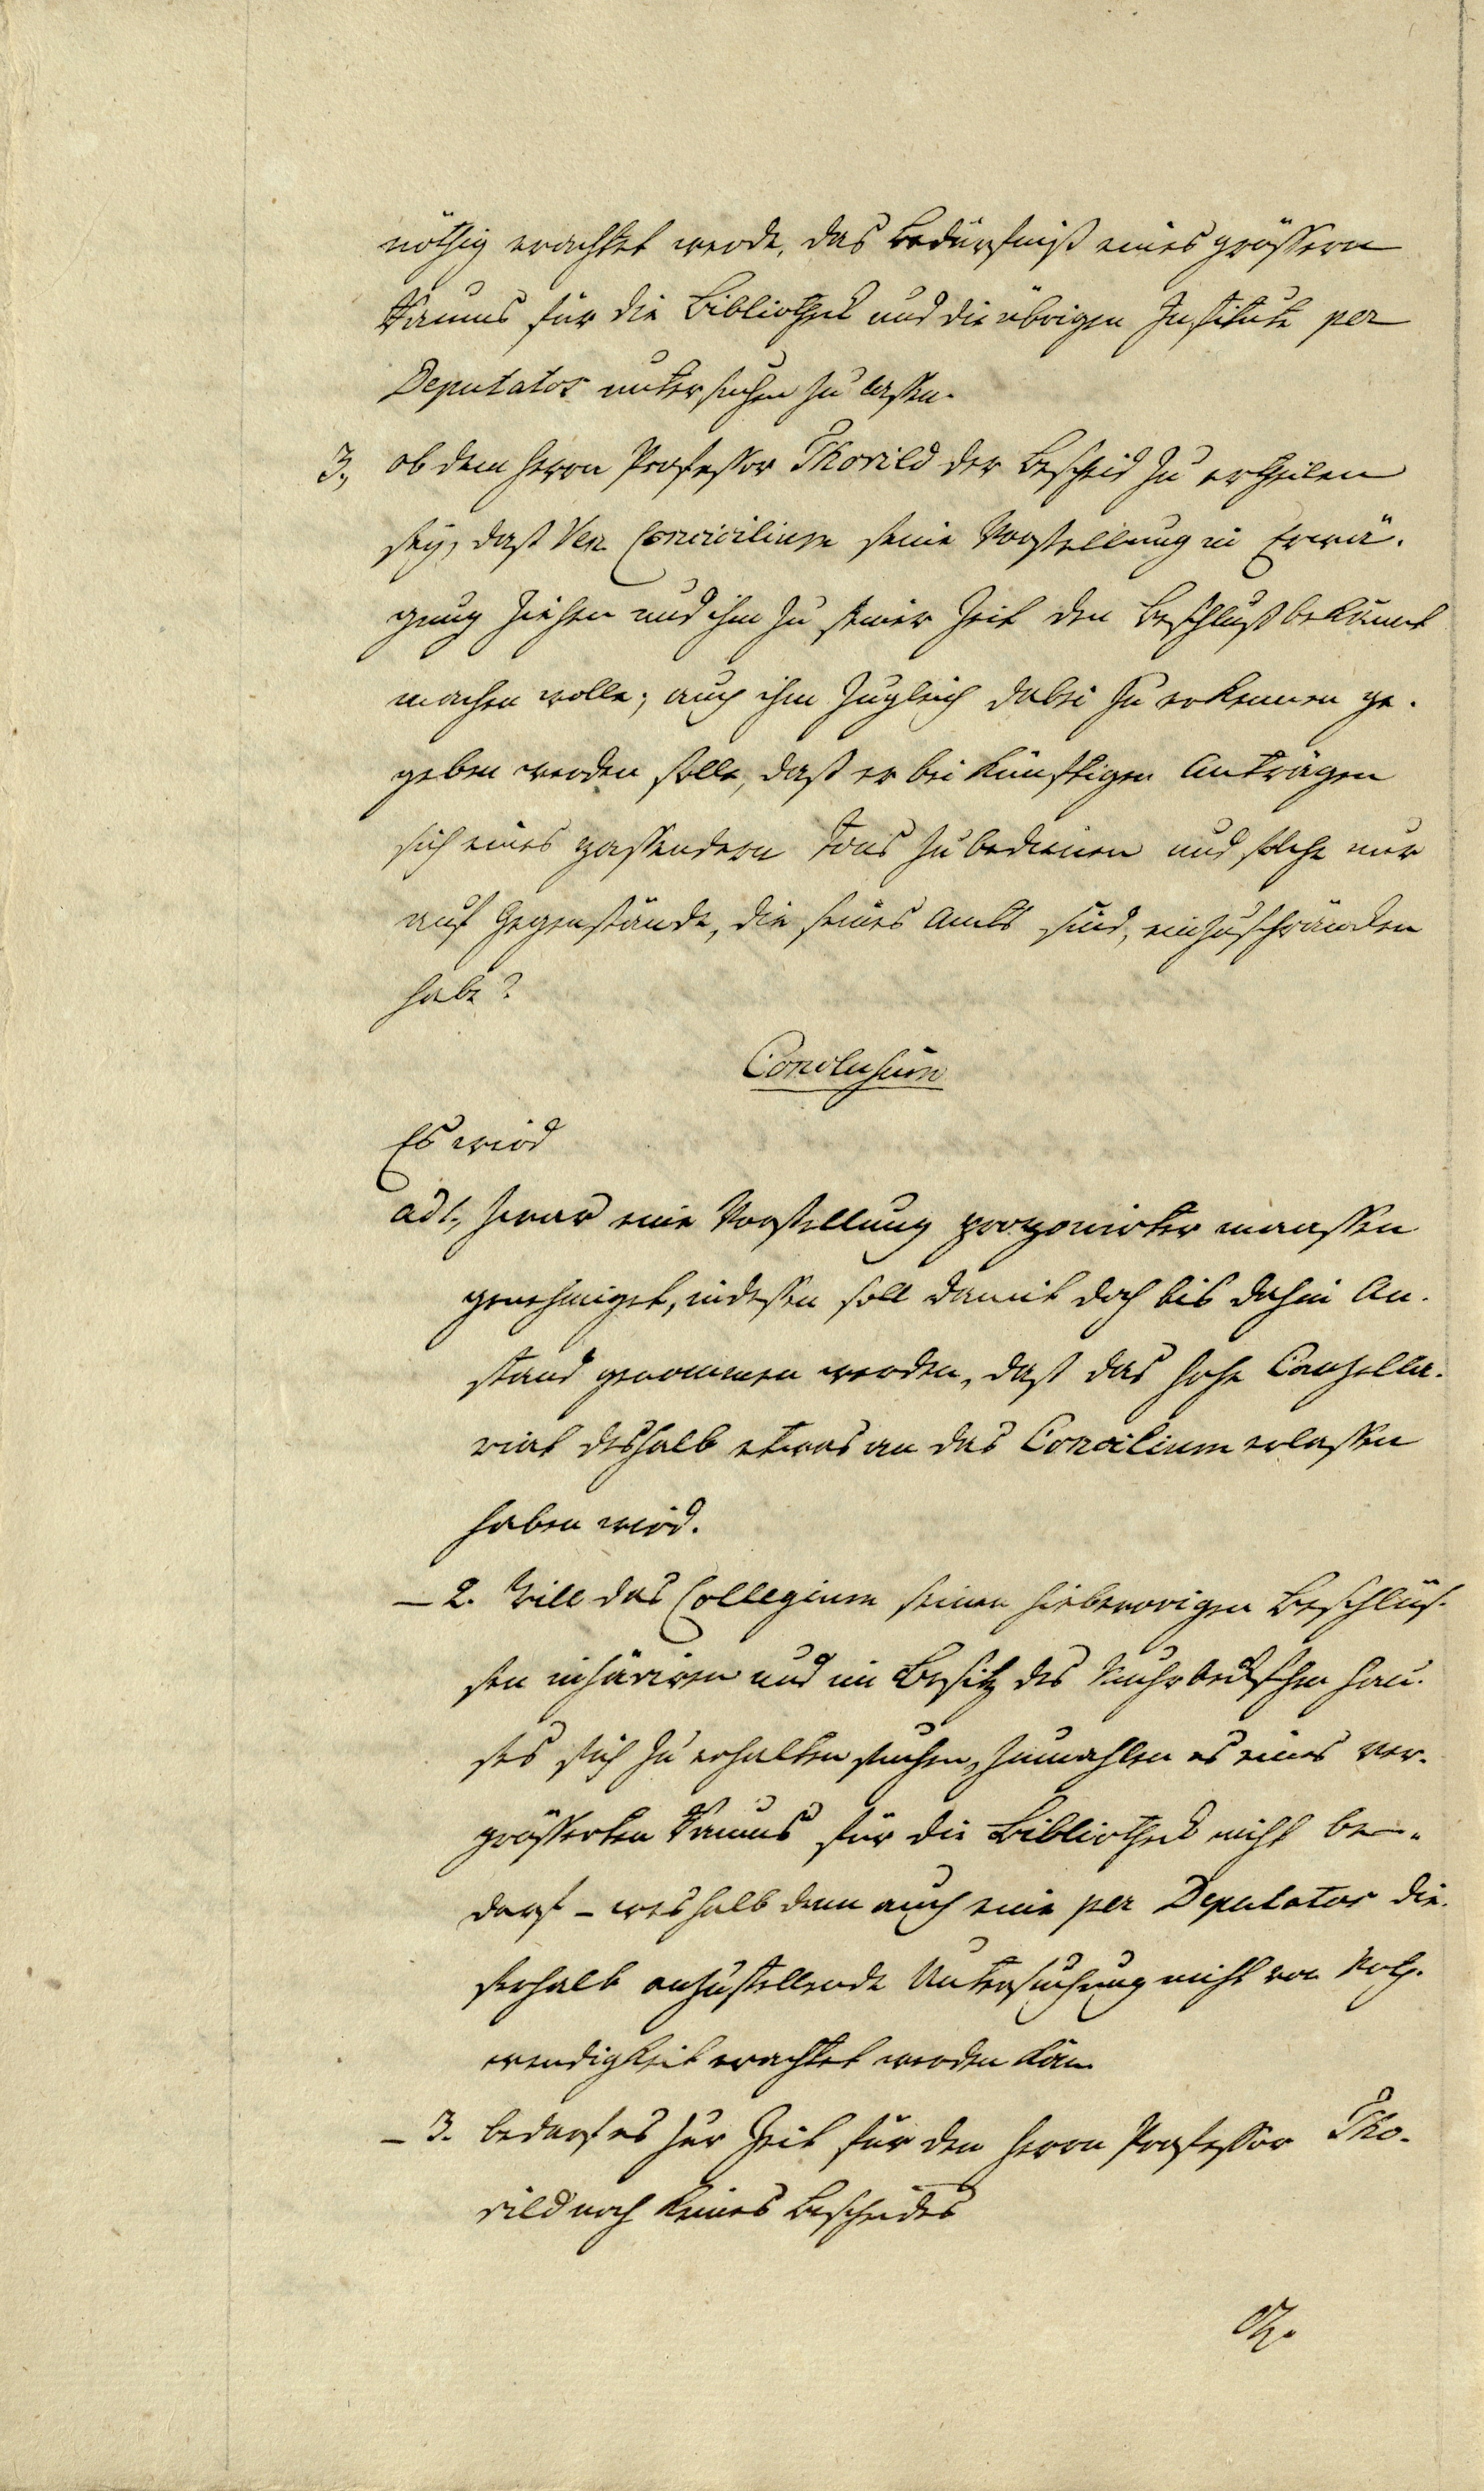nöthig erachtet werde, das Bedürfniß eines grössern
Raums für die Bibliothek und die übrigen Institute per
Deputatos untersuchen zu lassen.
3., ob dem Herrn Professor Thorild der Bescheid zu ertheilen
seÿ, daß Ven. Concilium seine Vorstellung in Erwä¬
gung ziehen und ihm zu seiner Zeit den Beschluß bekannt
machen wolle; auch ihm zugleich dabei zu erkennen ge¬
geben werden solle, daß er bei künftigen Anträgen
sich eines passenden Tons zu bedienen und solche nur
auf Gegenstände, die seines Amts sind, einzuschränken
habe?
Conclusum
Es wird
ad 1., zwar eine Vorstellung proponirter maassen
genehmiget, indessen soll damit doch bis dahin An¬
stand genommen werden, daß das hohe Canzella¬
riat deshalb etwas an das Concilium erlassen
haben wird.
2. Will das Collegium seinen hiebevorigen Beschlüs¬
sen inhäriren und im Besitz des Muhrbeckschen Hau¬
ses sich zu erhalten suchen, zumahlen es eines ver¬
grösserten Raums für die Bibliothek nicht be¬
darf - weshalb denn auch eine per Deputatos die¬
serhalb anzustellende Untersuchung nicht von Noth¬
wendigkeit erachtet werden kan.
3. bedarf es zur Zeit für den Herrn Professor Tho¬
rild noch keines Bescheides.
dh.